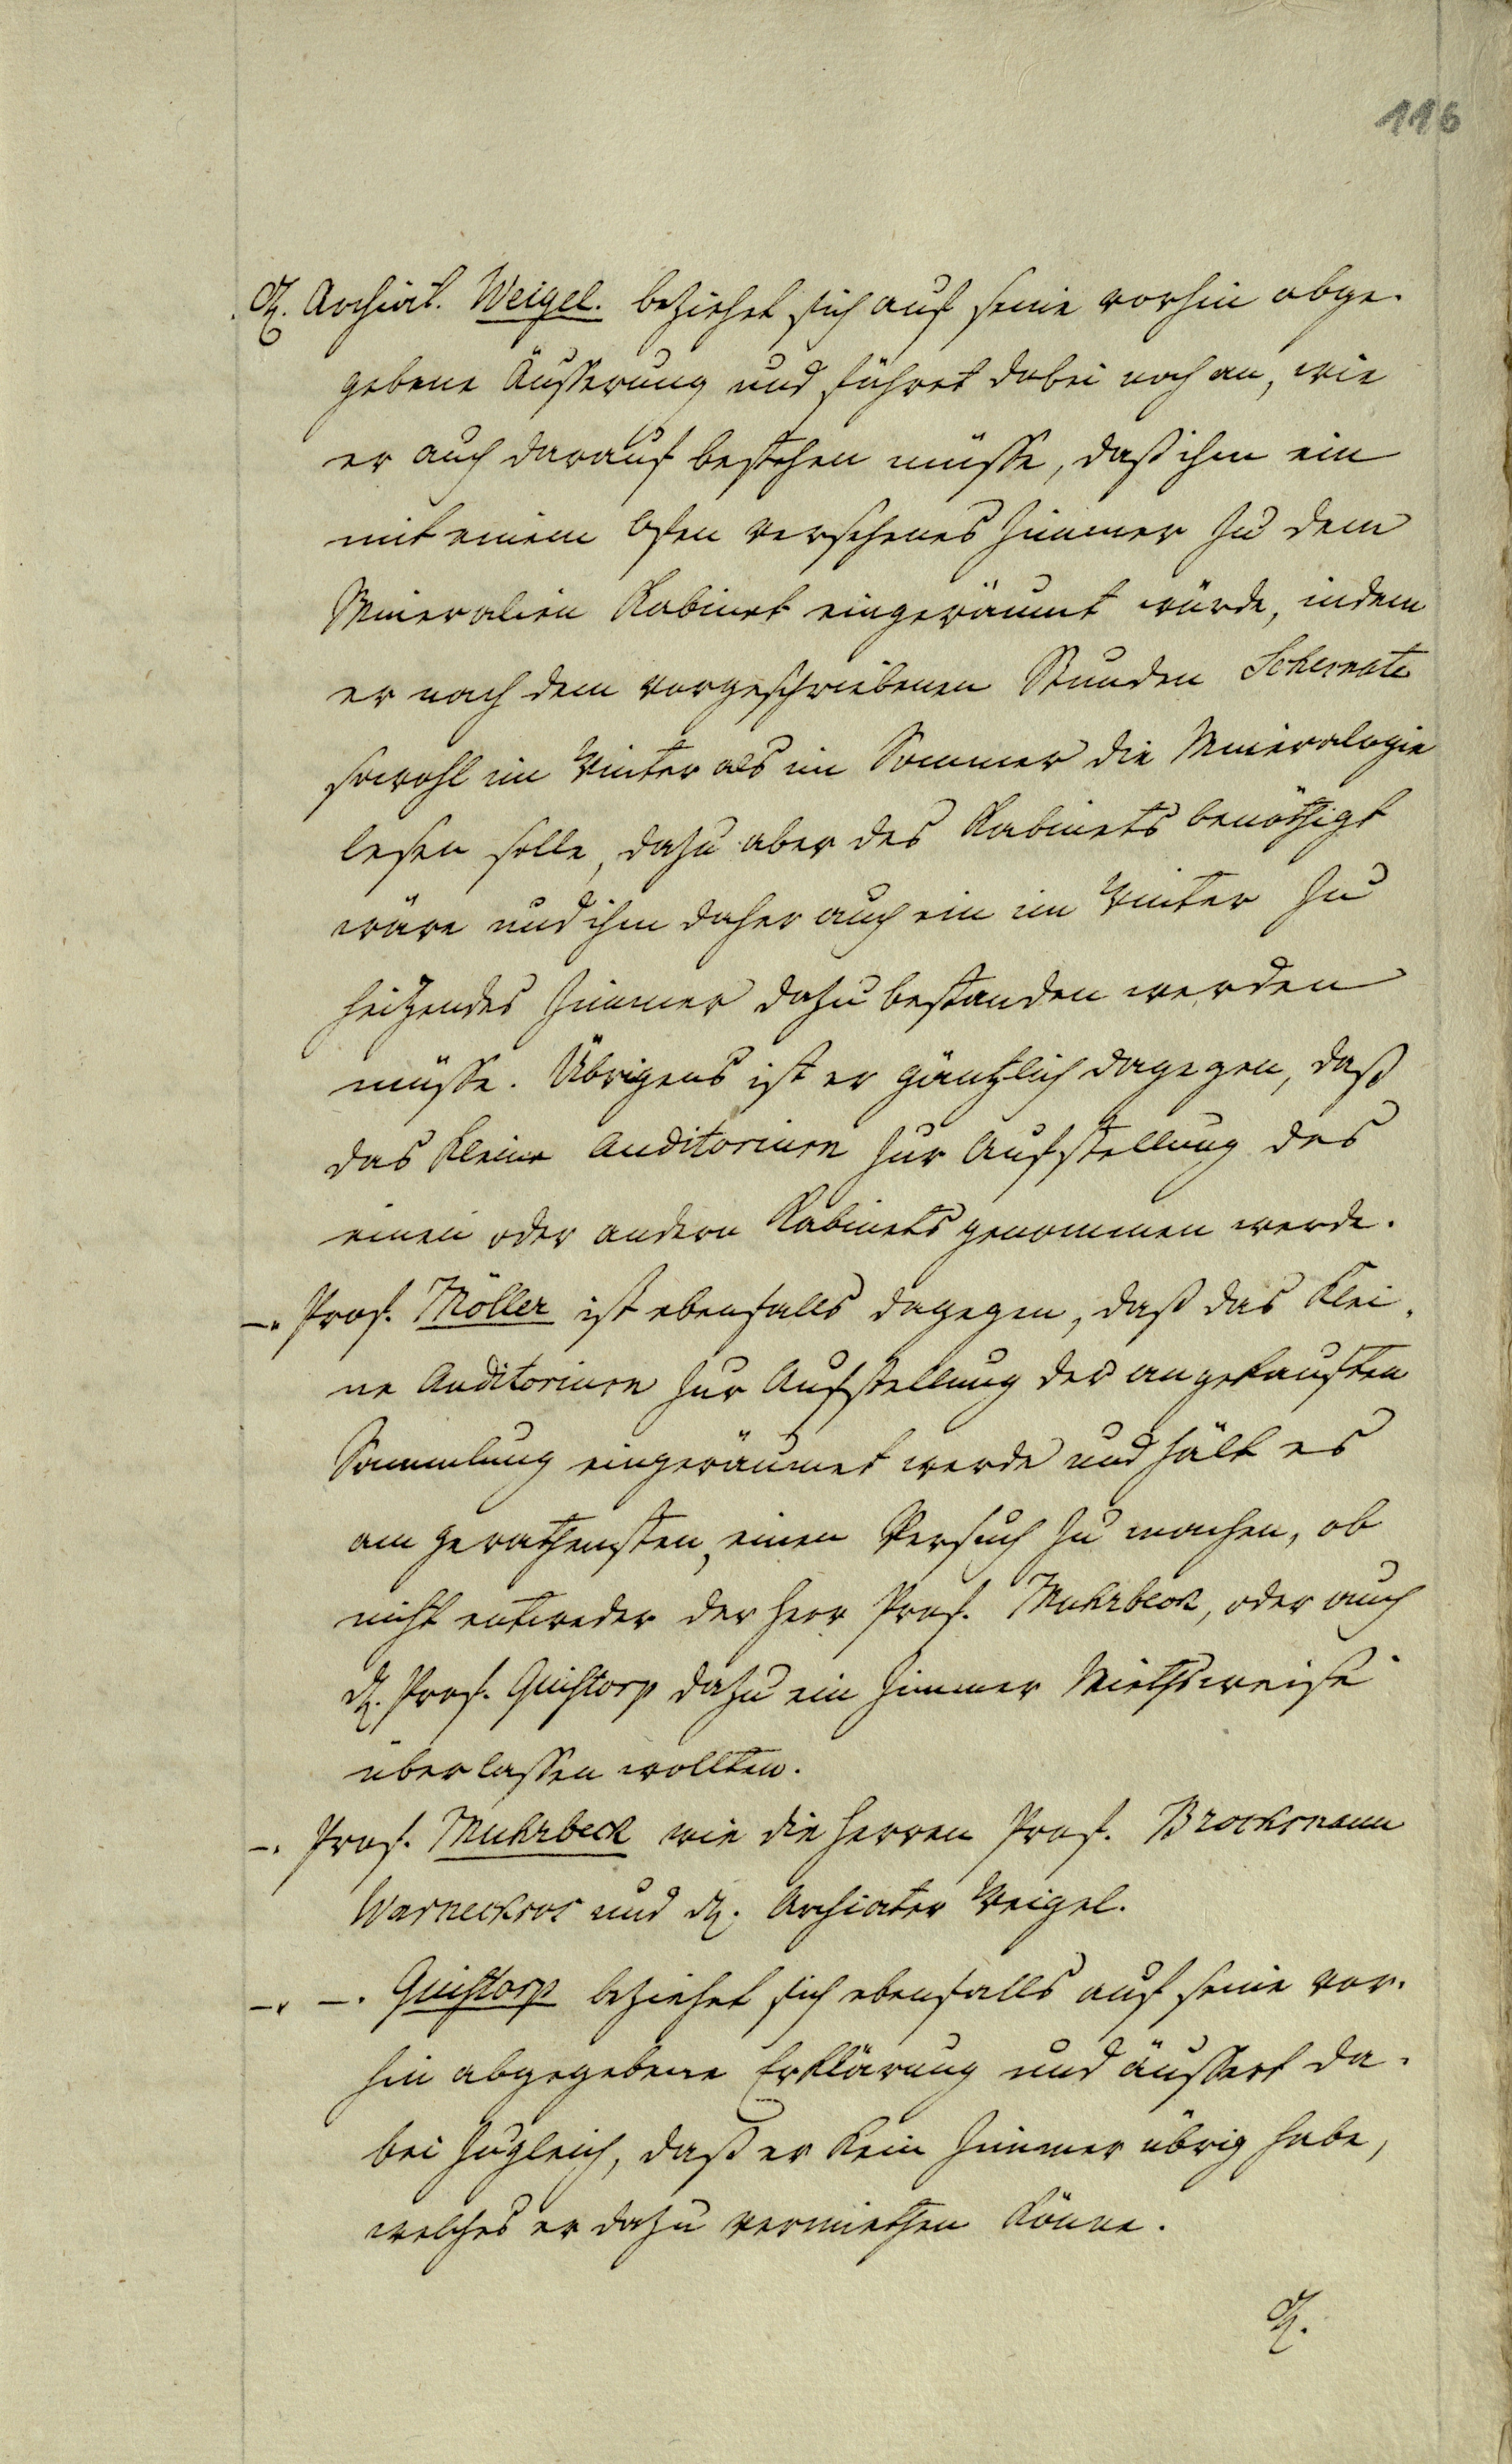dh. Archiat. Weigel. beziehet sich auf seine vorhin abge¬
gebene Äusserung und führet dabei noch an, wie
er auch darauf bestehen müsse, daß ihm ein
mit einem Ofen versehenes Zimmer zu dem
Mineralien Cabinet eingeräumt würde, zu dem
er nach dem vorgeschriebenen Stunden Schemate
sowohl im Winter als im Sommer die Mineralogie
lesen solle, dazu aber des Kabinets benöthigt
wäre und ihm daher auch ein im Winter zu
heizendes Zimmer dazu bestanden werden
müsse. Übrigens ist er gäntzlich dagegen, daß
das kleine Auditorium zur Aufstellung des
einen oder andern Kabinets genommen werde.
Prof. Möller ist ebenfalls dagegen, daß das klei¬
ne Auditorium zur Aufstellung der angekauften
Sammlung eingeräumet werde und hält es
am gerathensten, einen Versuch zu machen, ob
nicht entweder der Herr Prof. Muhrbeck, oder auch
dh. Prof. Quistorp dazu ein Zimmer Miethsweise
überlassen wollten.
Prof. Muhrbeck wie die Herren Prof. Brockmann
Warneckros und dh. Archiater Weigel.
Quistorp beziehet sich ebenfalls auf seine vor¬
hin abgegebene Erklärung und äussert da¬
bei zugleich, daß er kein Zimmer übrig habe,
welches er dazu vermiethen könne.
dh.